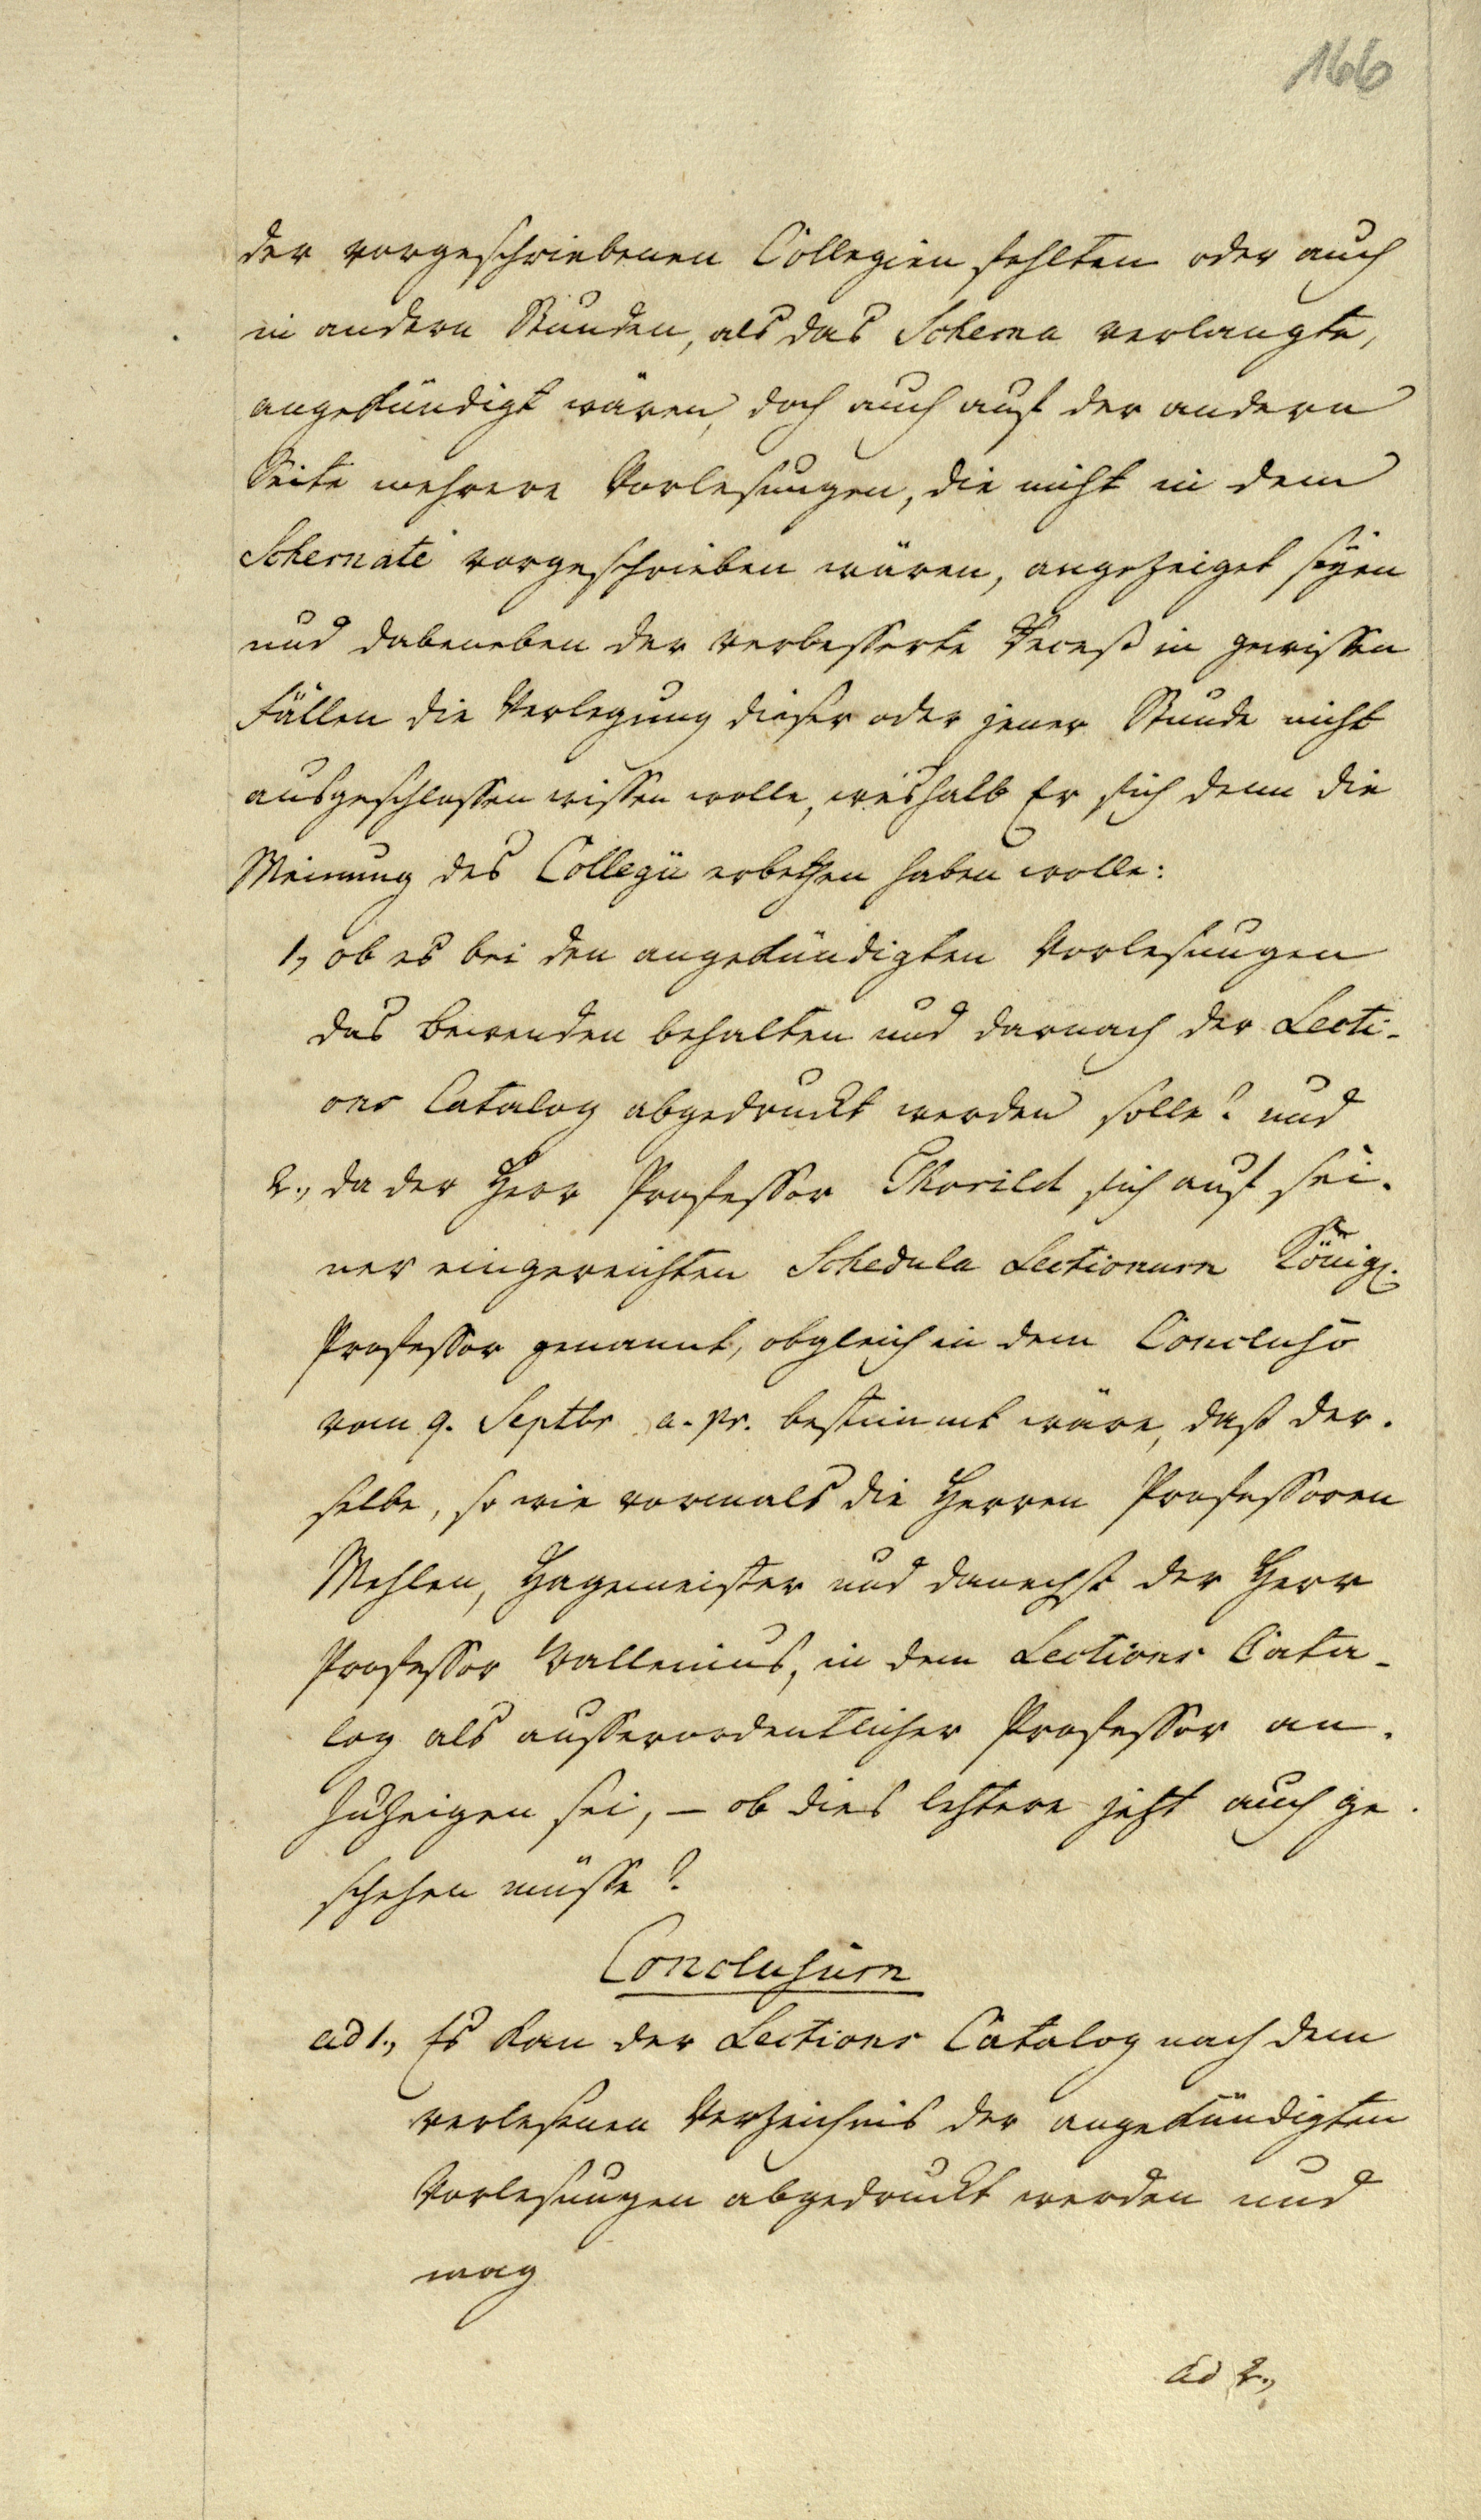der vorgeschriebenen Collegien fehlten oder auch
in andern Stunden, als das Schema verlangte,
angekündigt wären, doch auch auf der andern
Seite mehrere Vorlesungen, die nicht in dem
Schemate vorgeschrieben wären, angezeiget seÿen
und dabeneben der verbesserte Receß in gewissen
Fällen die Verlegung dieser oder jener Stunde nicht
ausgeschlossen wissen wolle, weshalb Er sich denn die
Meinung des Collegii erbethen haben wolle:
1, ob es bei den angekündigten Vorlesungen
das Bewenden behalten und darnach der Lecti¬
ons Catalog abgedruckt werden solle? und
2., da der Herr Professor Thorild sich auf sei¬
ner eingereichten Schedula Lectionum Königl.
Professor genannt, obgleich in dem Concluso
vom 9. Septbr. a. pr. bestimmt wäre, daß der¬
selbe, so wie vormals die Herren Professoren
Mehlen, Hagemeister und danechst der Herr
Professor Wallenius, in dem Lections Cata¬
log als außerordentlicher Professor an¬
zuzeigen sei, ob dies letztere jetzt auch ge¬
schehen müsse ?
Conclusum
ad 1., Es kan der Lections Catalog nach dem
verlesenen Verzeichnis der angekündigten
Vorlesungen abgedruckt werden und
mag
ad 2.,